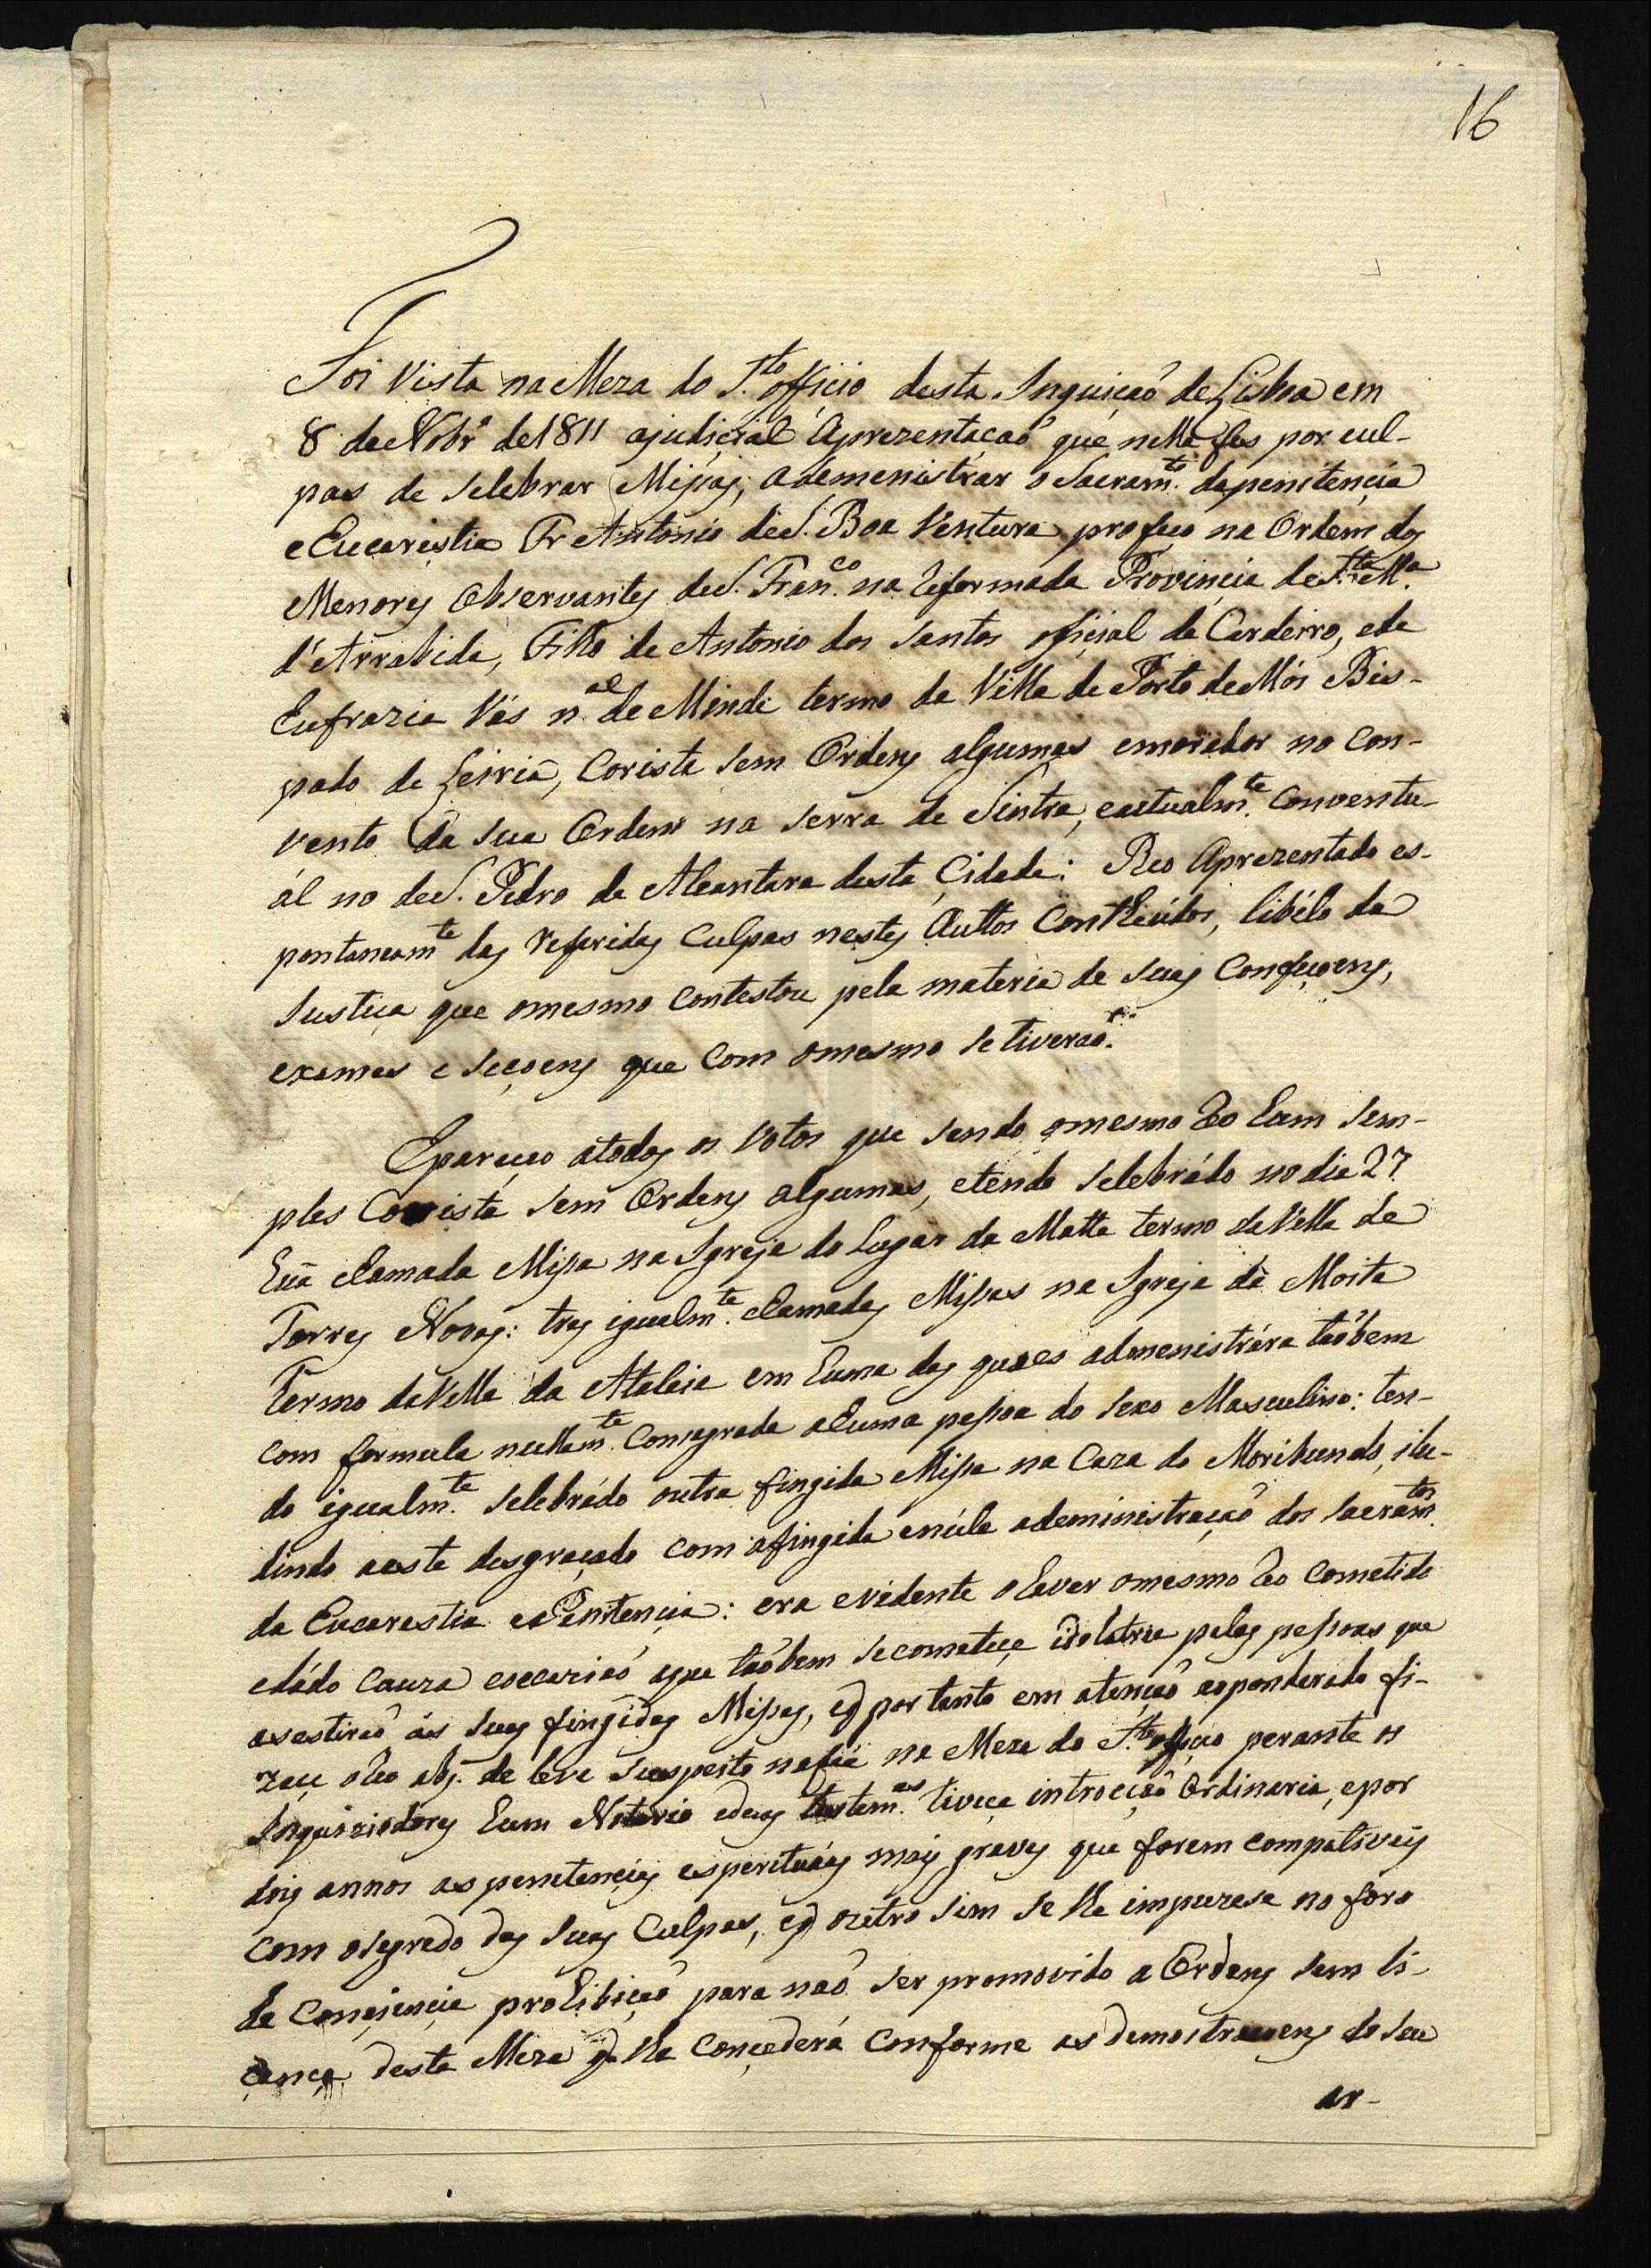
Foi vista na Meza do S.to officio desta Inquiçaõ de Lisboa em
8 de Nobr.o de 1811 a judicial Aprezentaçaõ que nella fes por cul
pas de selebrar Missas, adeministrar o Sacram.to da penitencia
e Eucaristia Fr Antonio de S. BoaVentura profeço na Ordem dos
Menores Observantes de S. Fran.co na Reformada Provincia de S.ta M.a
d'Arrabida, Filho de Antonio dos Santos official de Cardeiro, e de
Eufrazia Vás n.al de Minde termo da Villa de Porto de Mós Bis
pado de Leiria, Corista sem Ordens algumas e morador no con
vento da sua Ordens na serra de Sintra, e actualm.te conventu
al no de S. Pedro de Alcantara desta Cidade: Reo Aprezentado es
pontaneam.te das Referidas culpas nestes Autos contheudos, libélo da
Iustiça que o mesmo contestou pela materia de suas confeçoens,
exames e seçoens que com o mesmo se tiveraõ.
E pareceo a todos os votos que sendo o mesmo Reo hum sem
ples Co_ista sem Ordens algumas, e tendo selebrado no dia 27
huā chamada Missa na Igreja do Lugar da Matta termo da Villa de
Torres Novas: tres igualm.te chamadas Missas na Igreja da Moita
Termo da Villa da Atalaia em huma das quaes administrára taõbem
com formula nullam.te consagrada a huma pessoa do sexo Masculino: ten
do igualm.te selebrádo outra fingida Missa na Caza do Moribundo, ilu
dindo a este desgraçado com a fingida e nula adeministraçaõ dos sacram.tos
da Eucarestia e Penitencia: era evidente o haver o mesmo Reo cometido
e dádo cauza e occaziaõ a que taõbem se cometece idolatria pelas pessoas que
asestiraõ ás suas fingidas Missas, e q̄ portanto em atençaõ ao ponderado fi
zece o Reo abj. de leve suspeito na feé na Meza do S.to officio perante os
Inquiziodores hum Notario e duas testem.as tivece introcçaõ ordinaria, e por
dois annos as penetencias esperituáes mais graves que forem compativeis
com o segredo das suas culpas, e q̄ outrosim se lhe impuzese no foro
de conciencia prohibiçaõ para naõ ser promovido a Ordens sem li
cença desta Meza q̄ lha concederá conforme as demostraçoens do seu
ar
